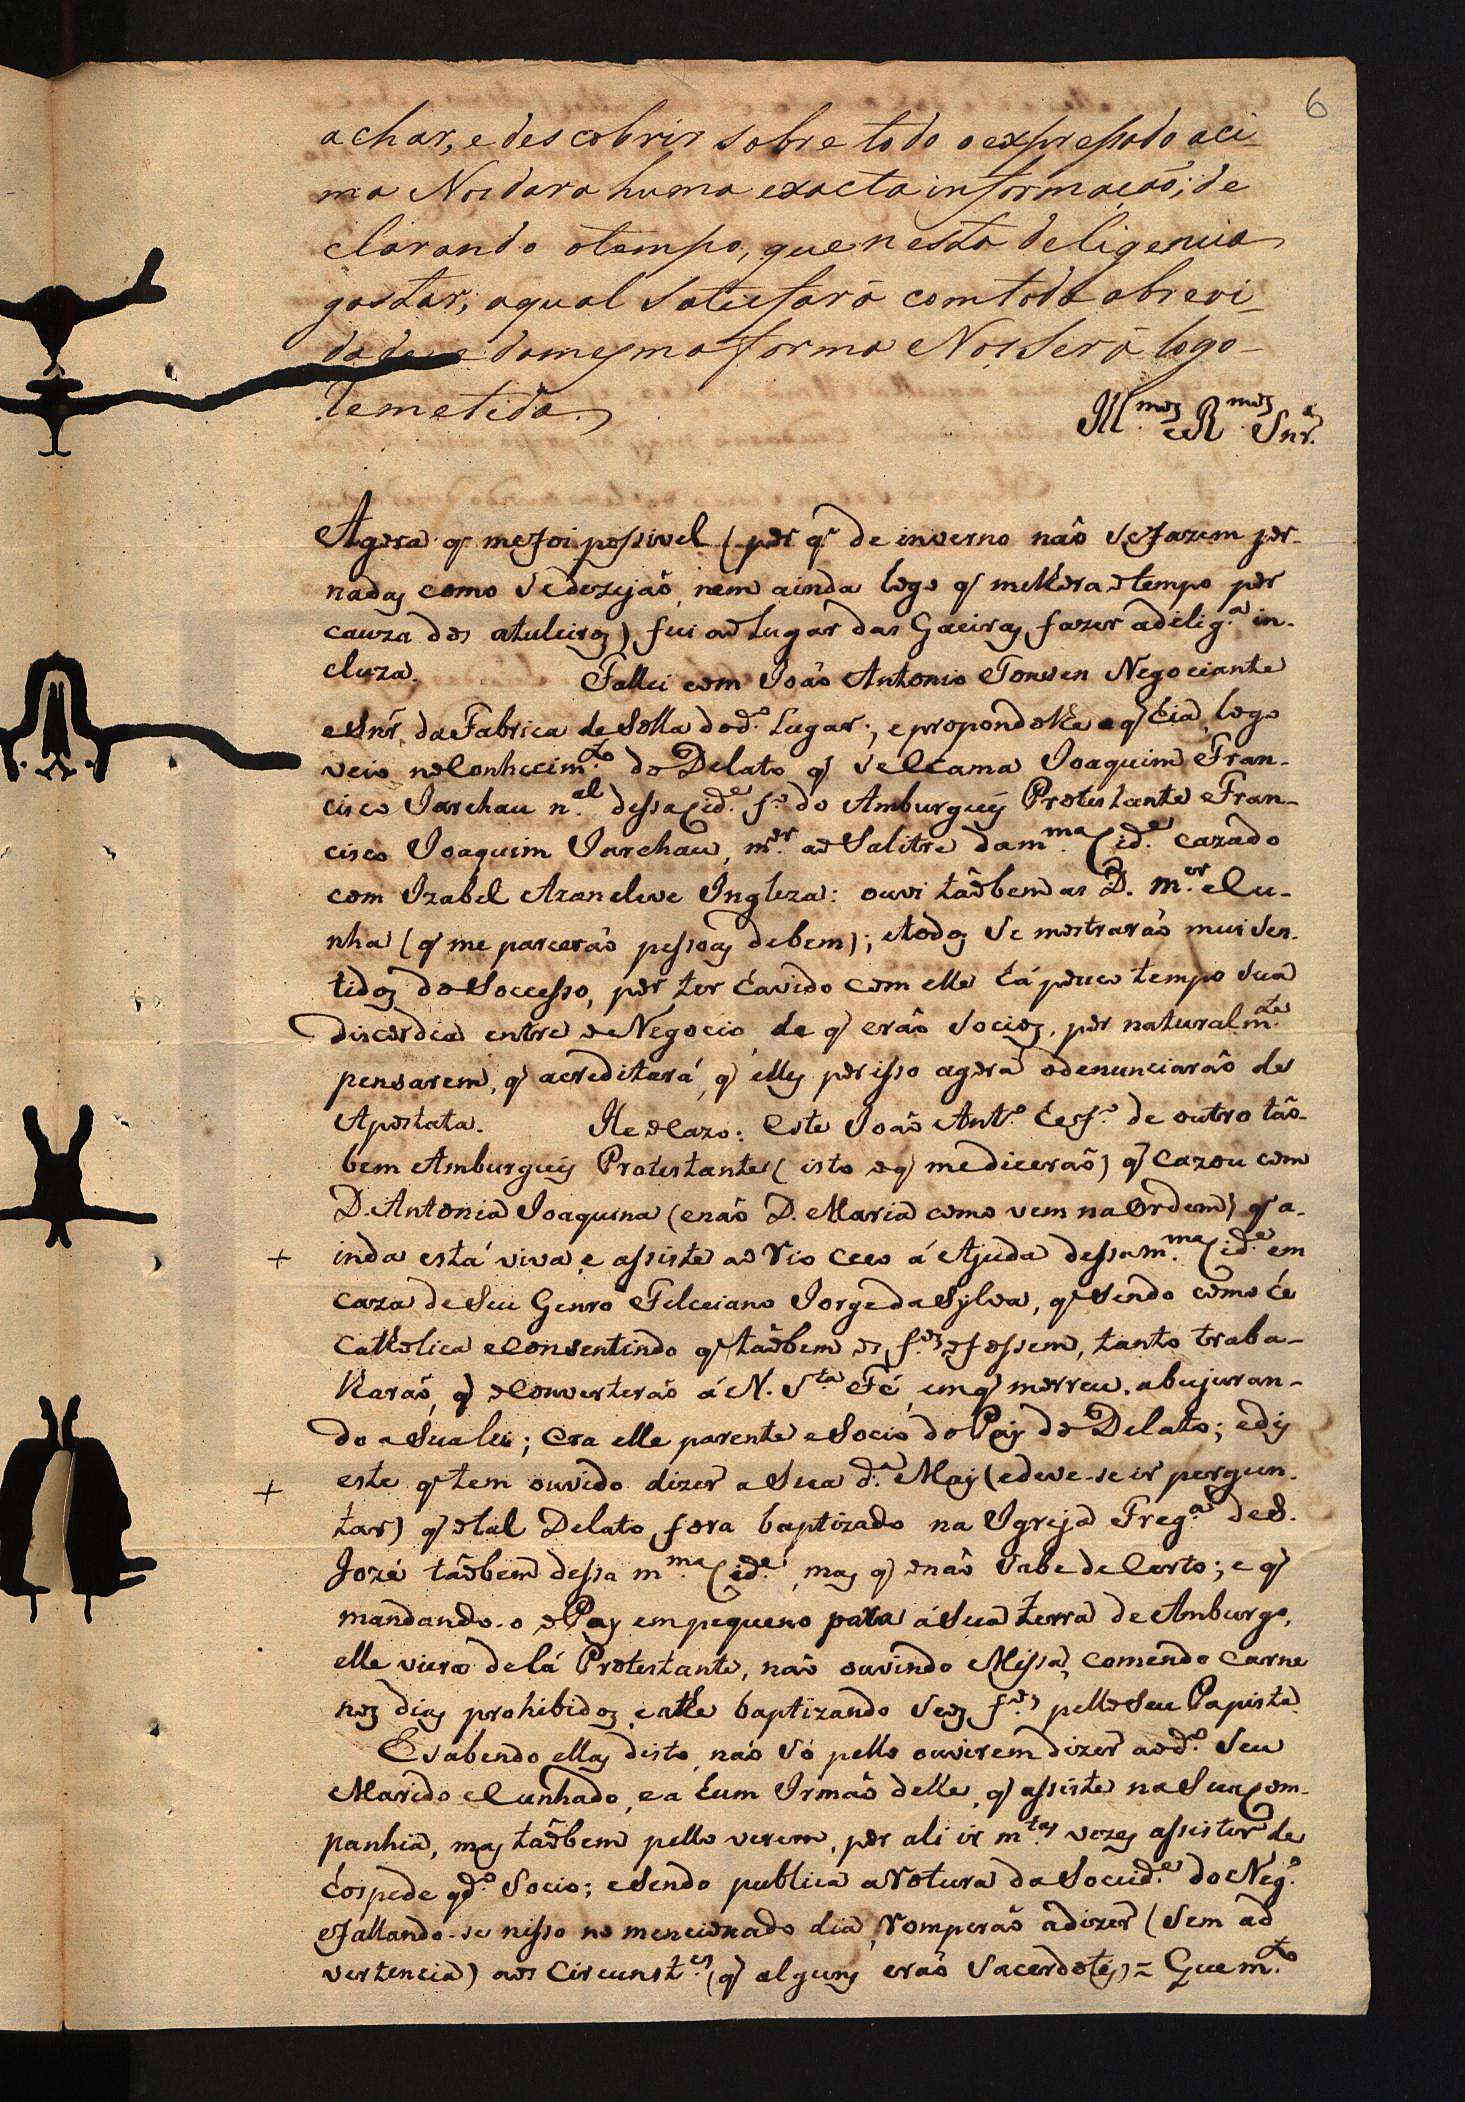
achar, e descobrir sobre todo o expressado aci
ma Nos dara huma exacta informaçaõ; de
clarando o tempo, que nesta deligencia
gastar; a qual satisfará com toda a brevi
dade e da mesma forma Nos será logo
Remetida
Ill.mos e R.mos Snr.es
Agora q̄ me foi possivel (porq̄ de inverno naõ se fazem jor
nadas como se dezejaõ, nem ainda logo q̄ melhora o tempo por
cauza dos atuleiros) fui ao Lugar das Gaeiras, fazer a dilig.a in
cluza. Fallei com Ioaõ Antonio Tonsen Negociante
e Snr̄ da Fabrica de Solla do d.o Lugar; e propondolhe a q̄ hia logo
veio no conhecim.to do Delato q̄ se Chama Ioaquim Fran
cisco Iarchau n.al dessa Cid.e f.o do Amburgués Protestante Fran
cisco Ioaquim Iarchau, m.or ao Salitre da m.ma Cid.e cazado
com Izabel Azanclive Ingleza: ouvi taõbem as D. m.er e Cu
nha (q̄ me parceraõ pessoas de bem); e todos se mostraraõ mui sen
tidos do Soccesso, por ter havido com elle há pouco tempo sua
discordia entre o Negocio de q̄ eraõ socios, por naturalm.te
pensarem, q̄ acreditará, q̄ elles por isso agora o denunciaraõ de
Apostata. He o cazo: Este Ioaõ Ant.o he f.o de outro taõ
bem Amburgués Protestante (isto o q̄ me diceraõ) q̄ cazou com
D. Antonia Ioaquina (e naõ D. Maria como vem na Ordem) q̄ a
inda está viva, e assiste ao Rio ceco á Ajuda dessa m.ma Cid.e em
caza de seu Genro Feleciano Iorge da Sylva, q̄ sendo como he
catholica e consentindo q̄ taõbem os f.os o fossem, tanto traba
lharaõ, q̄ o converteraõ á N. S.ta Fé em q̄ morreu abujuran
do a Sua lei; era elle parente e Socio do Pay do Delato; e dis
este q̄ tem ouvido dizer a Sua d.a May (e deve-se ir pergun
tar q̄ o tal Delato, fora baptizado na Igreja Freg.a de S.
Jozé taõbem dessa m.ma Cid.e, mas q̄ o naõ sabe de certo; e q̄
mandando-o o Pay em pequeno para a Sua terra de Amburgo,
elle viera de lá Protestante, naõ ouvindo Missa, comendo carne
nos dias prohibidos, e athe baptizando seos f.os pello seu Papista
E sabendo ellas disto, naõ só pello ouvirem dizer ao d.o seu
Marido e Cunhado, e a hum Irmaõ delle, q̄ assiste na Sua Com
panhia, mas taõbem pello verem, por ali ir m.tas vezes assistir de
hospede qd.o Socio; e sendo publica a Rotura da Soceid.e do Neg.o
e fallando-se nisso no mencionado dia, romperaõ a dizer (sem ad
vertencia) aos Circunst.es (q̄ alguns eraõ sacerdotes) = Que m.to
